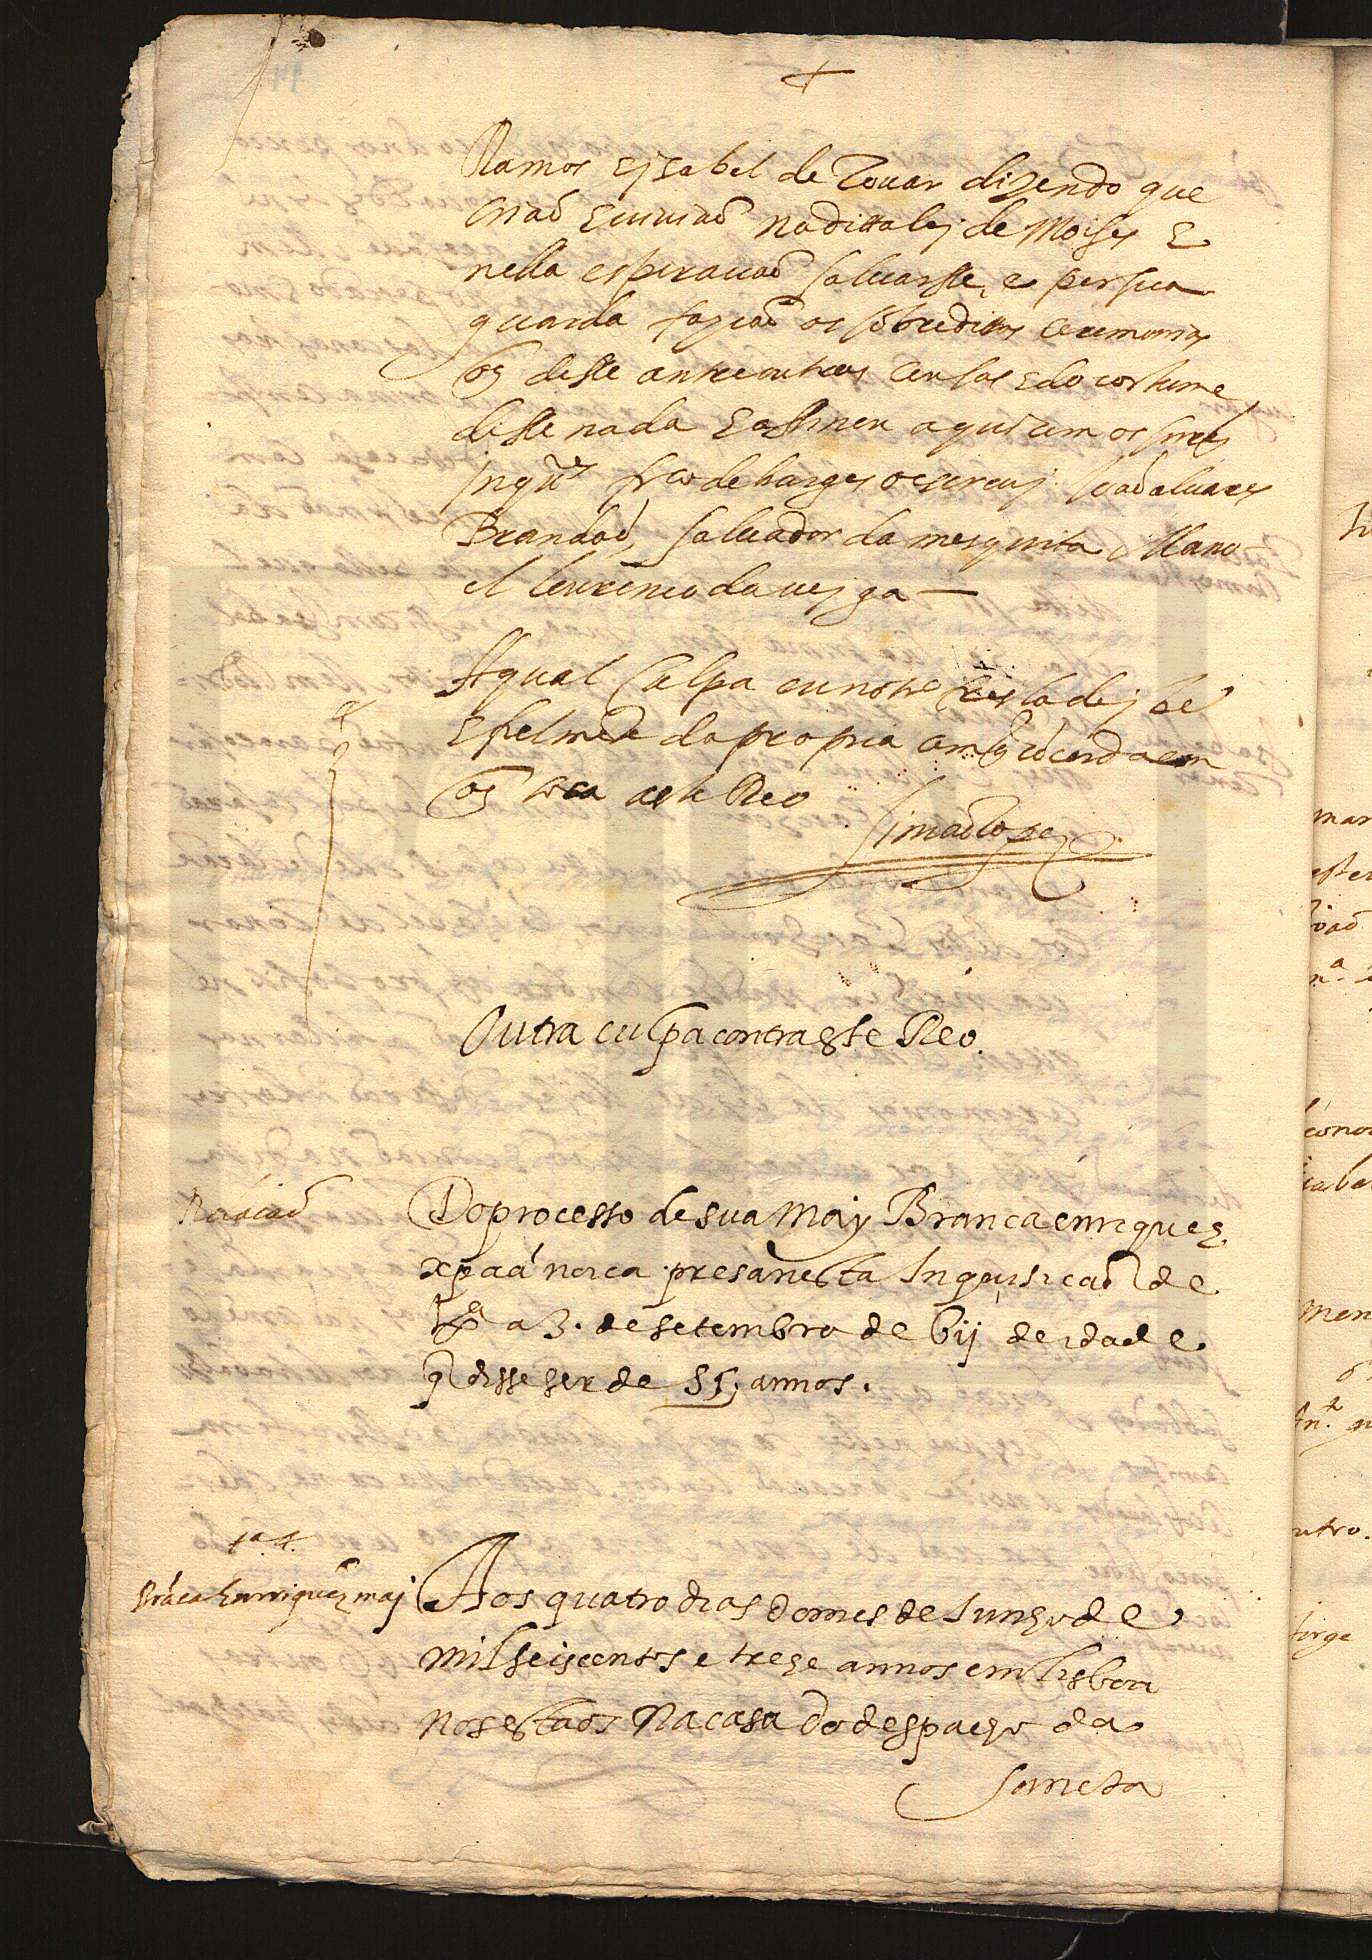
Ramos E jsabel de Touar dizendo que
criaõ E uiuiaõ na ditta lej de moises E
nella esperauaõ saluarsse, e per sua
guarda faziaõ as sobredittas ceremonias
o q̄ disse antre outras cousas E do costume
disse nada E assinou aqui com os snres̄
Jnqures frco de burges o escreuj Ioaõ aluares
Brandaõ, Saluador da mesquita Manoe
el lourenço da uejga
A qual Culpa eu notro tresladej bē
E fielmēte da propria com q̄ cōcorda em
o q̄ toca a ele Reo
Outra culpa contra este Reo.
Relaçaõ
Do processo de sua may Branca enriques
xpaā noua presa nesta Inquisiçaõ de
Lxa a 3 de setembro de bij de idade
q̄ disse ser de 55 annos.
ta. 4.
Brāca Enrriquez maj Aos quatro dias do mes de Iunho de
mil seiscentos e treze annos em Lisboa
nos estaos na casa do despacho da
Sancta
